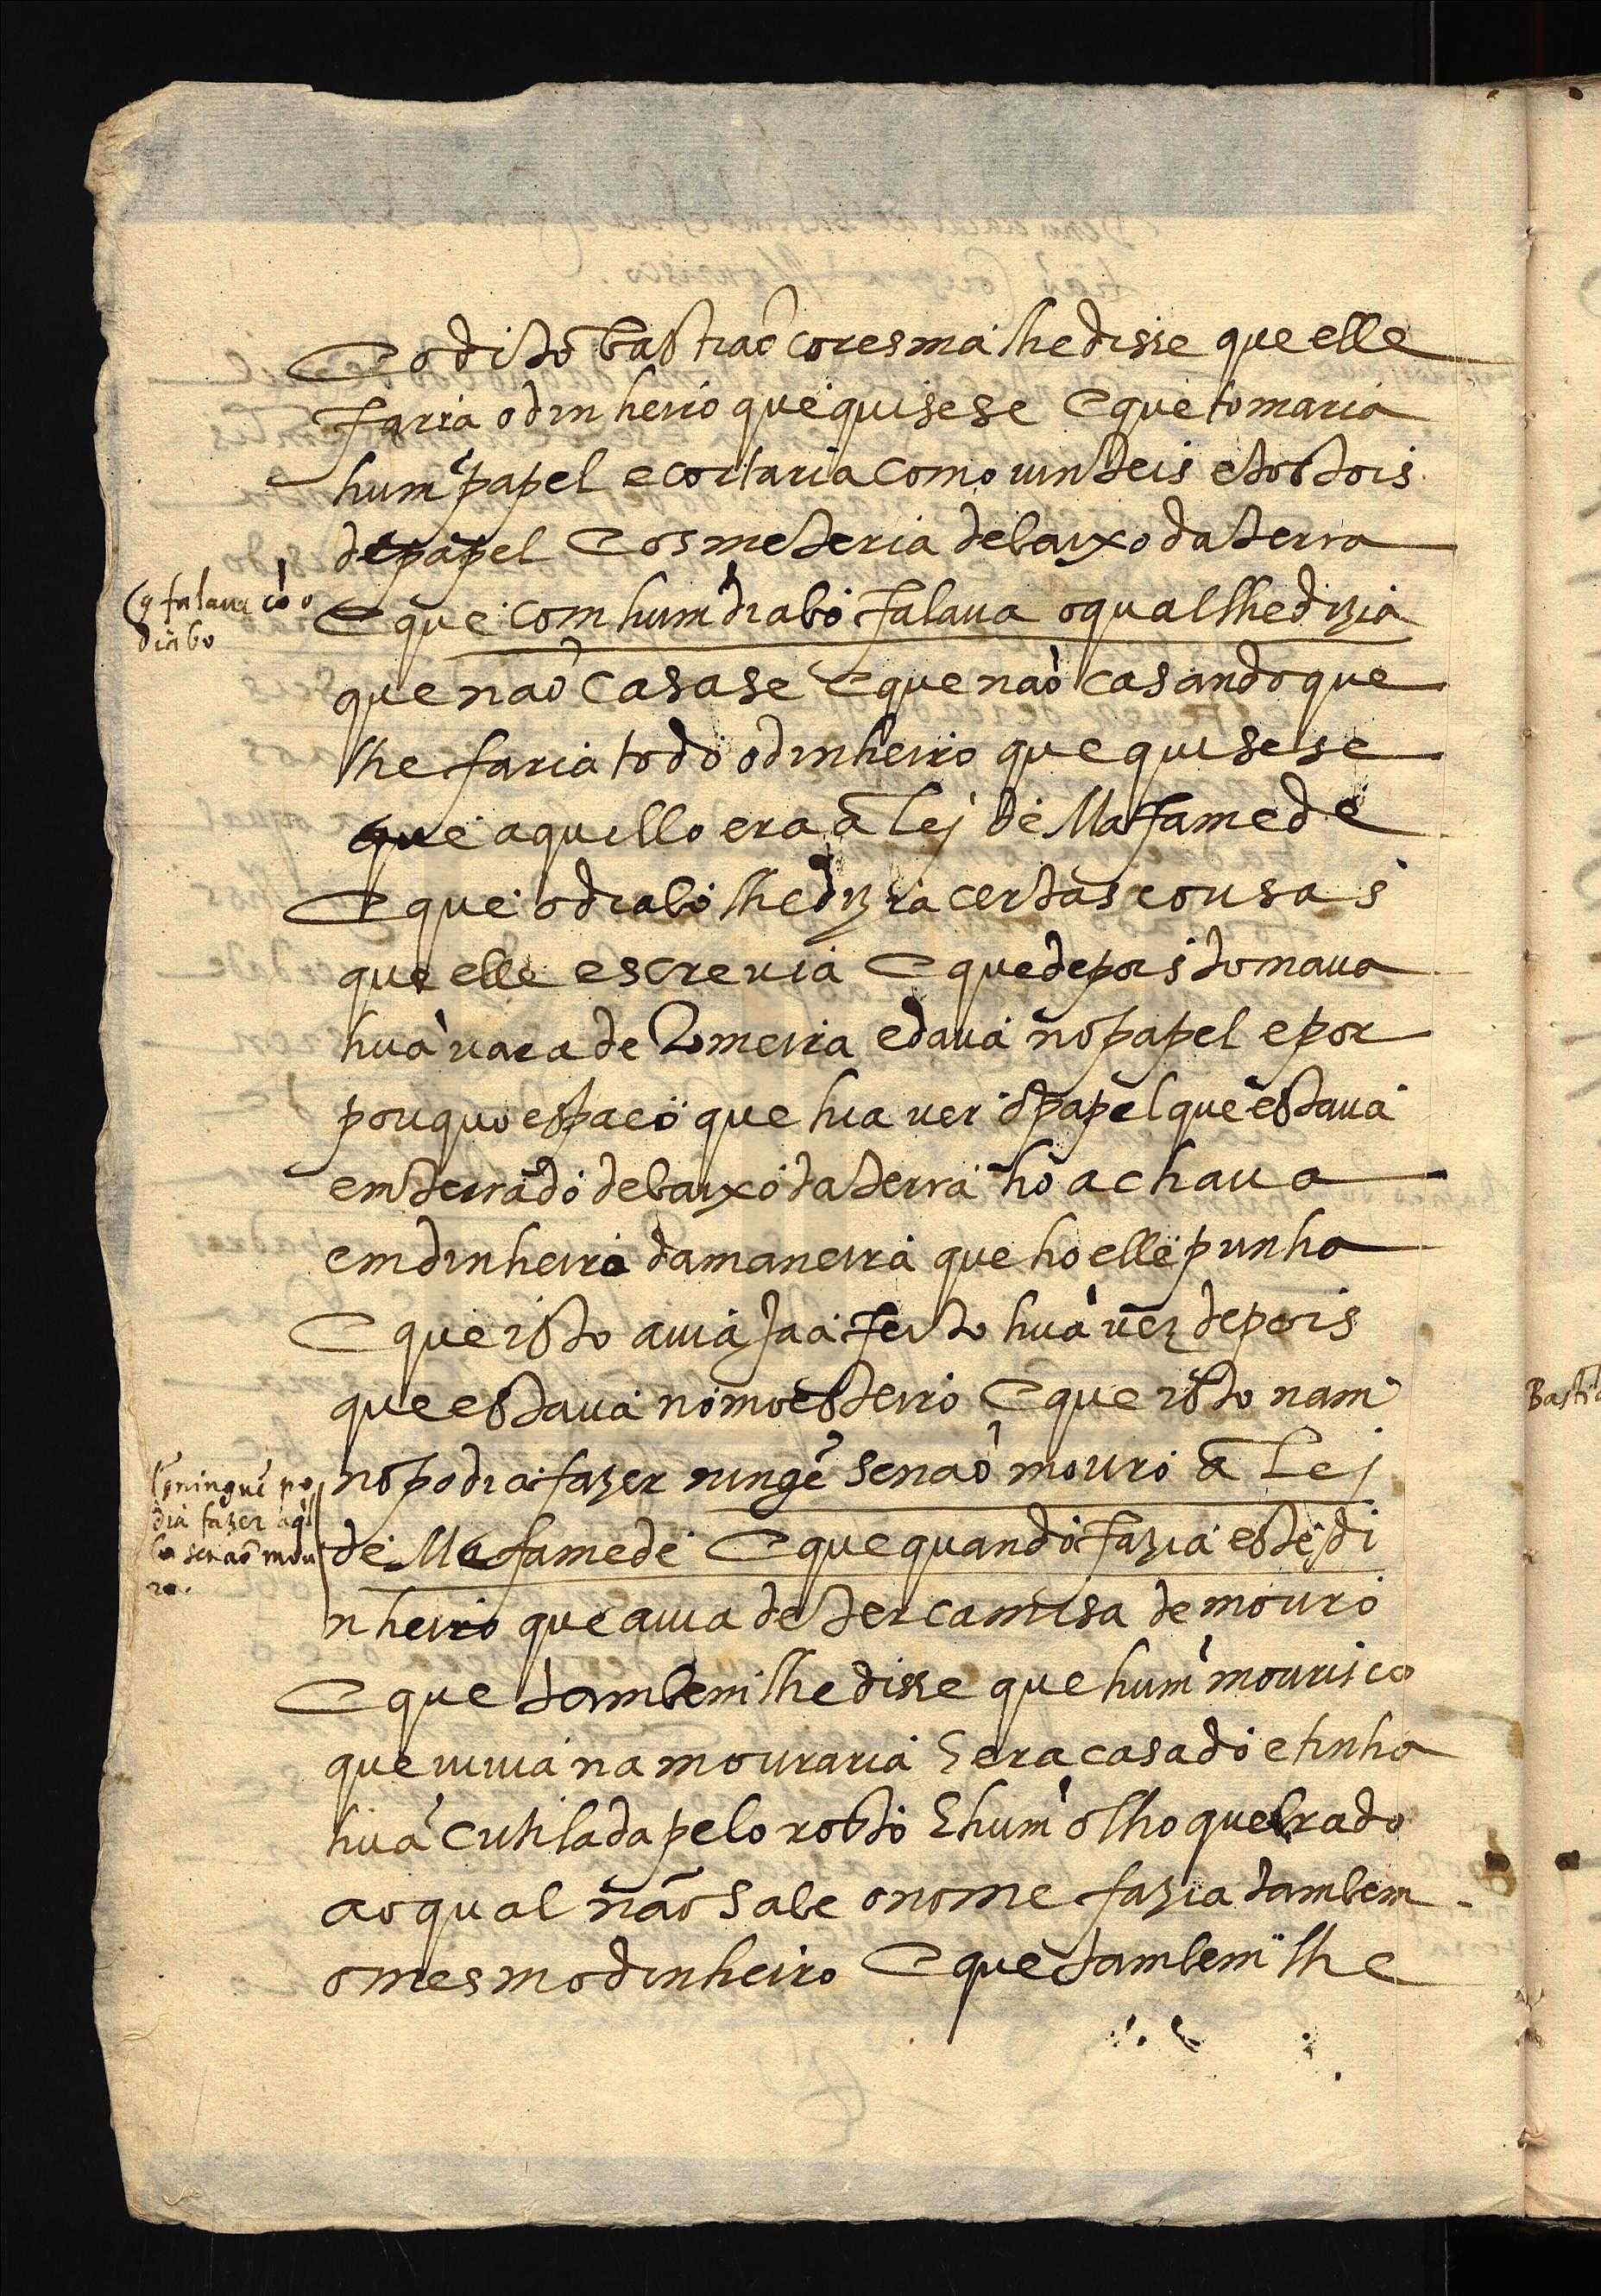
q̄ falaua cō o
diabo
q̄ ninguē po
dia fazer a q̄l
he senaõ mou
ro.
e o dito bastiaõ coresma lhe disse que elle
faria o dinheiro que quisese e que tomaria
hum papel e cortaria como uinteis e tostois
de papel e os meteria debaixo da terra
E que com hum diabo falaua o qual lhe dizia
que naõ casase e que naõ casando que
lhe faria todo o dinheiro que quisese
que aquillo era a lej de Mafamede
E que o diabo lhe dizia certas cousas
que elle escreuia e que depois tomaua
huā uara de Romeira e daua no papel e por
pouquo espaco que hia uer o papel que estaua
emterrado debaixo da terra ho achaua
em dinheiro da maneira que ho elle punha
e que isto auia Jaa feito hua uez depois
que estaua no moesteiro e que isto nam
no podia fazer ningē senaõ mouro a Lej
de Mafamede e que quando fazia este di
nheiro que auia de ter camisa de mouro
e que tambem lhe disse que hum mourisco
que uiuia na mouraria E era casado e tinha
huā cutilada pelo rosto E hum olho quebrado
ao qual naõ sabe o nome fazia tambem
o mesmo dinheiro e que tambem lhe
